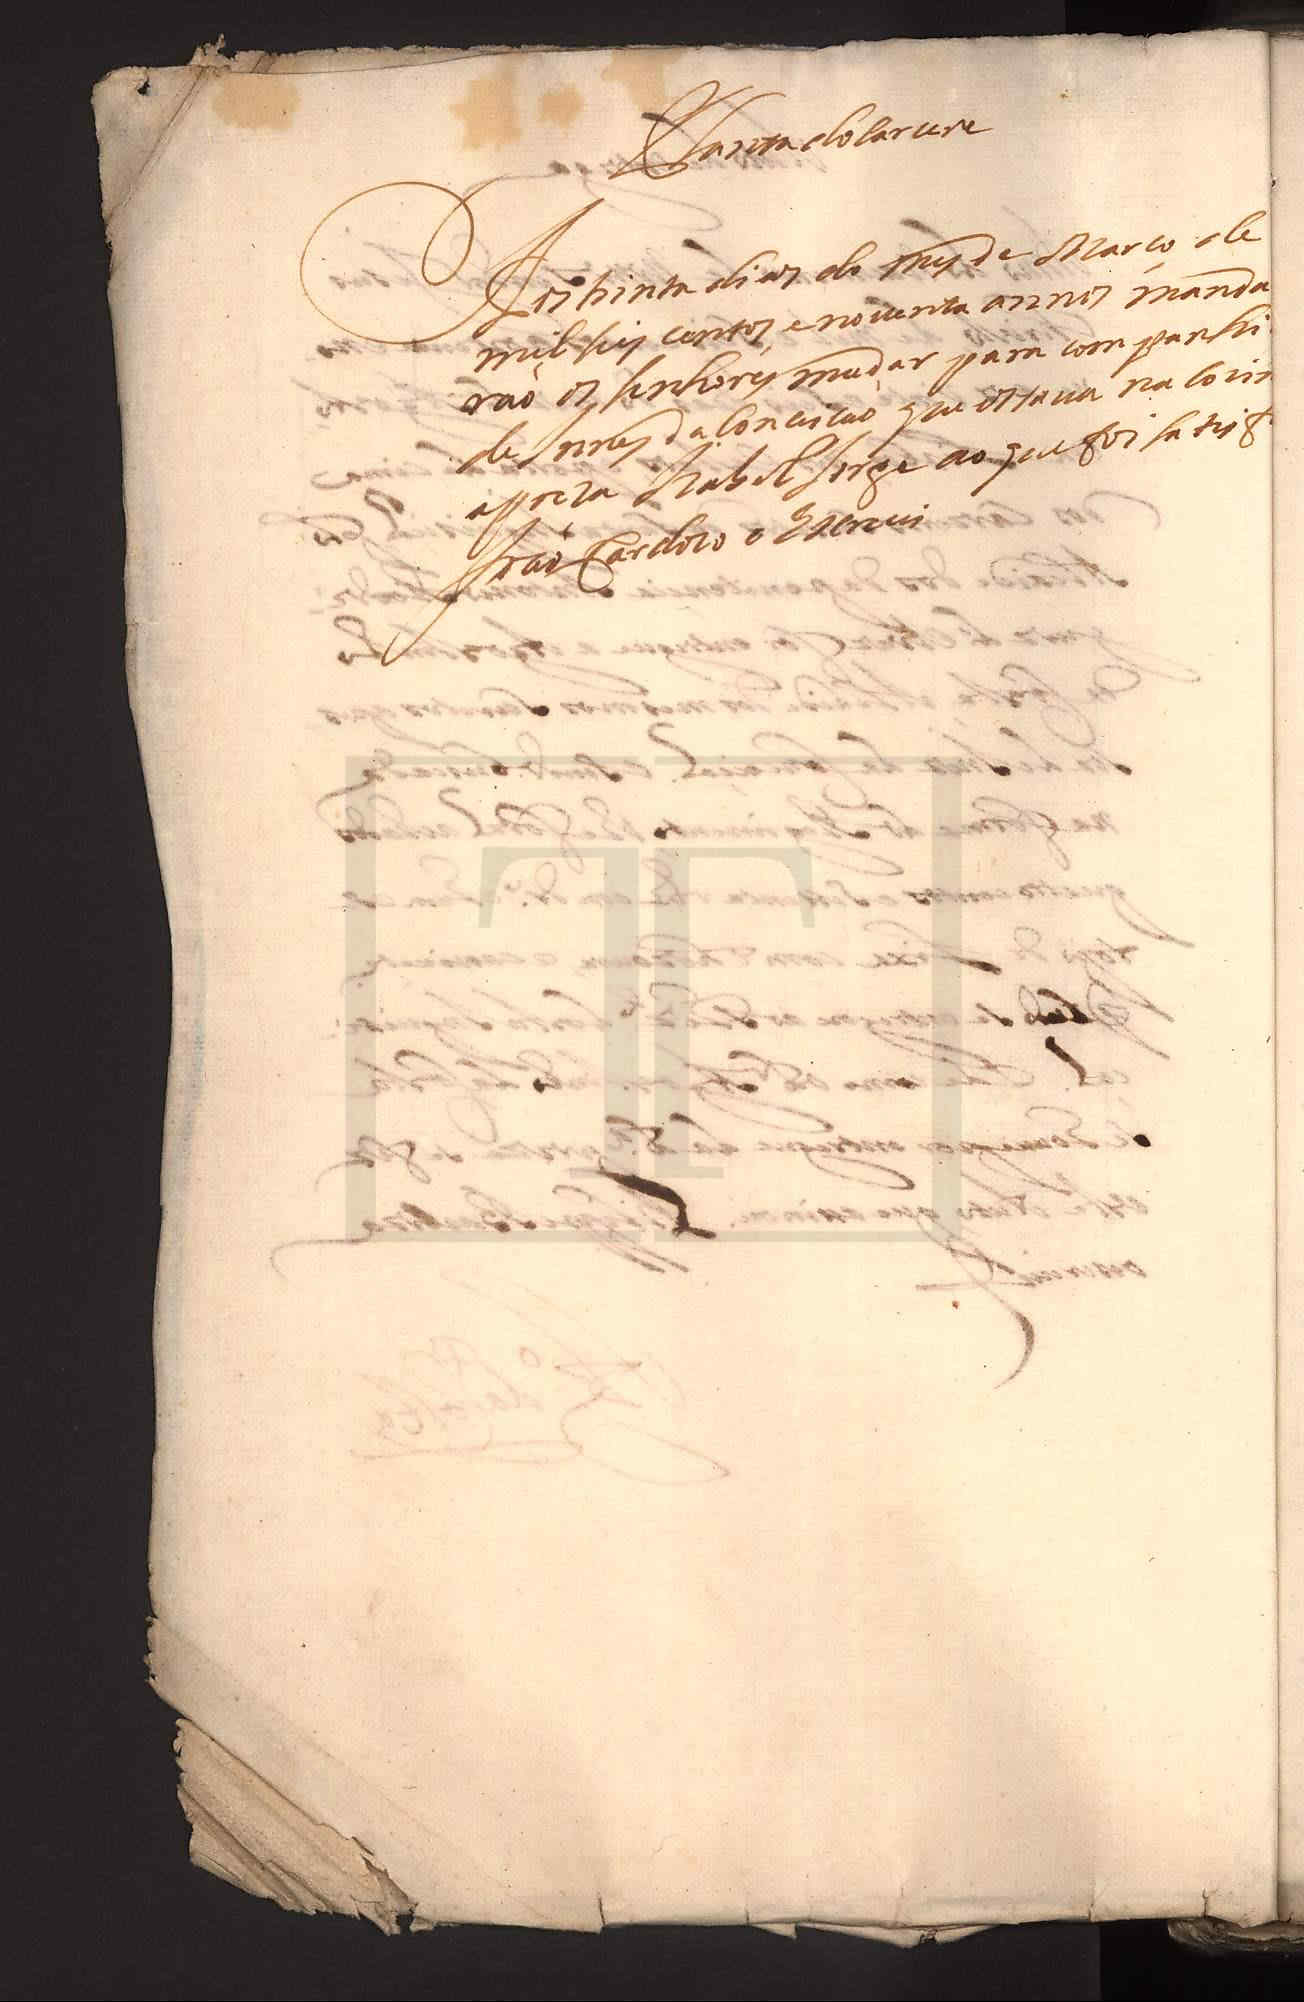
Planta do carcere
Aos trinta dias do mes de Março de
mil seiscentos, e nouenta annos manda
raõ os senhores mudar para companhi
de Innes da Conceiçaõ que estaua na cozin
a preza Izabel Jorge ao que foi satisf
Joaõ Cardozo o Escreui
